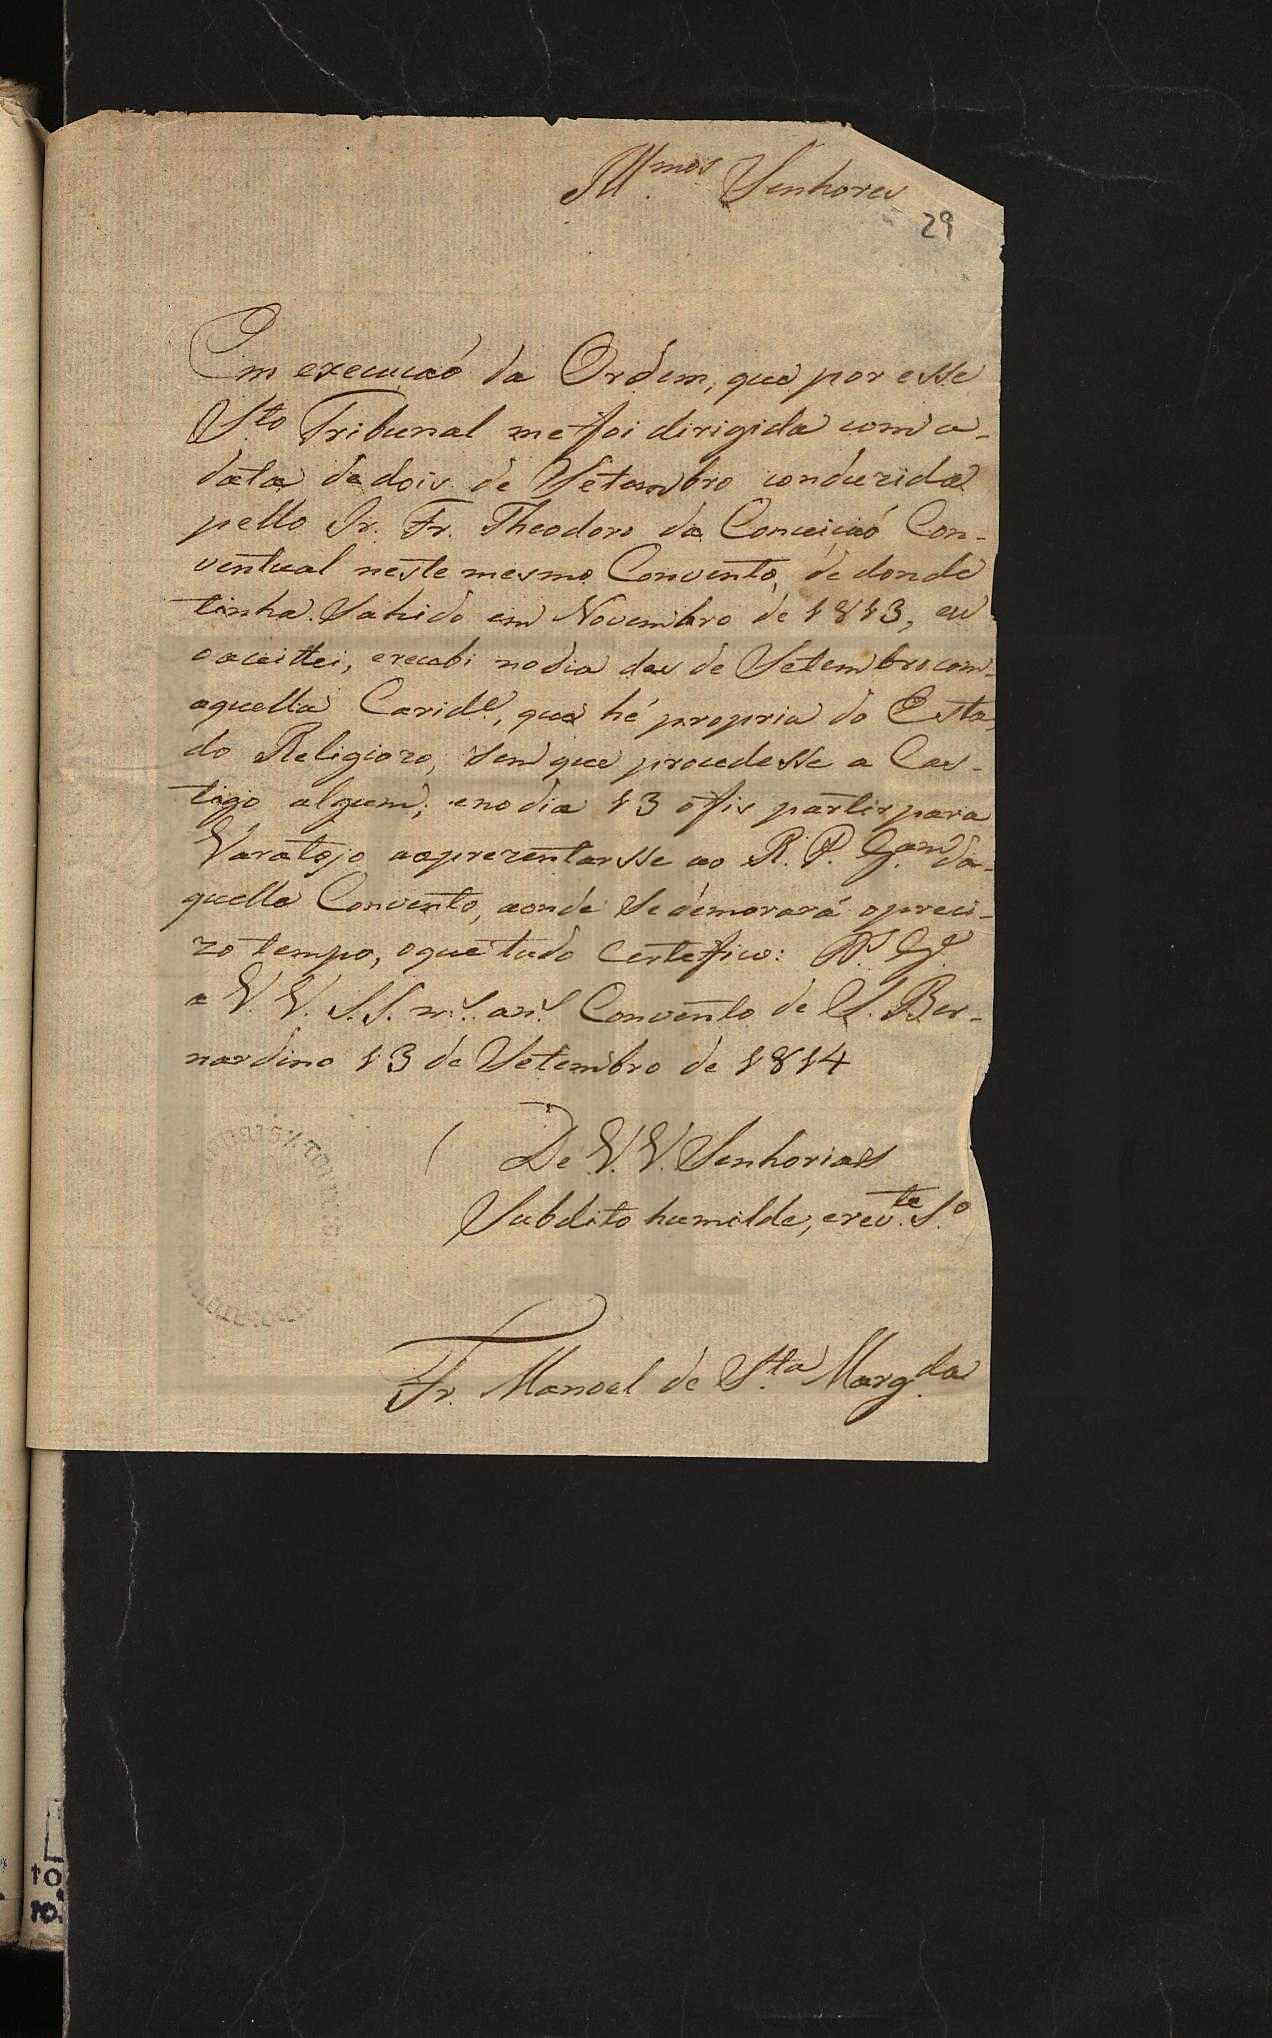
Ill.mos Senhores
Em execuçaõ da Ordem, que por esse
S.to Tribunal me foi dirigida com a
data de dois de Setembro conduzida
pello Ir. Fr. Theodoro da Conceiçaõ Con
ventual neste mesmo Convento, de donde
tinha Sahido em Novembro de 1813, eu
o aceittei, e recebi no dia des de Setembro com
aquella Carid.e, que hé propria do Esta
do Religiozo, sem que procedesse a Cas
tigo algum; e no dia 13 o fis partir para
Varatojo a aprezentarsse ao R. P. G.am da
quelle Convento, aonde se demorará o preci
zo tempo, o que tudo Certefico: D.s G.e
a V.V. SS. m.s an.s Convento de S. Ber
nardino 13 de Setembro de 1814
De V.V Senhorias
Subdito humilde, e rev.te s.o
Fr. Manoel de S.ta Marg.da
